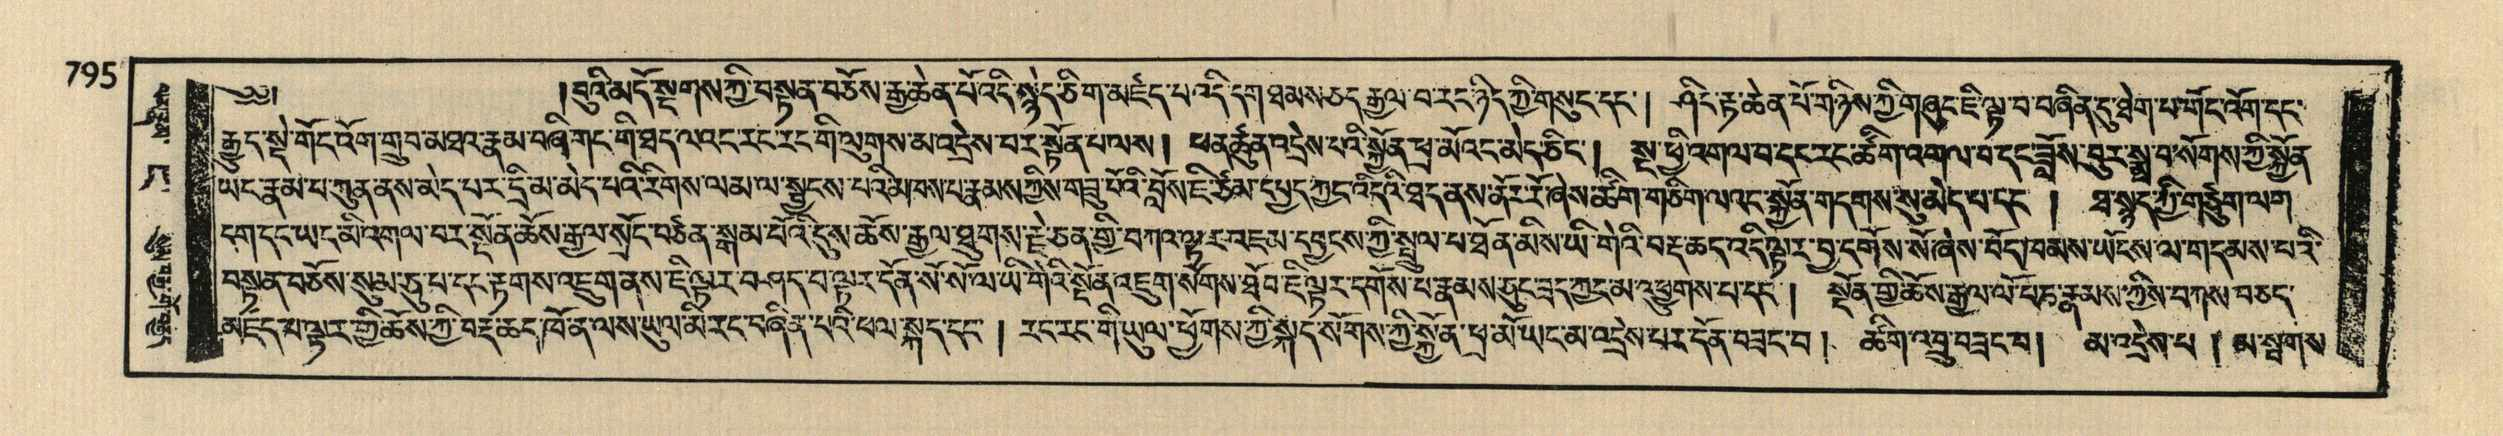༄༅། །བུའི་མདོ་སྔགས་ཀྱི་བསྟན་བཅོས་རྒྱ་ཆེན་པོ་འདི་སྙེད་ཅིག་མཛད་པ་འདི་དག་ཐམས་ཅད་རྒྱལ་བ་རང་ཉིད་ཀྱི་གསུང་དང་། ཤིང་རྟ་ཆེན་པོ་གཉིས་ཀྱི་གཞུང་ཇི་ལྟ་བ་བཞིན་དུ་ཐེག་པ་གོང་འོག་དང་
རྒྱུད་སྡེ་གོང་འོག་གྲུབ་མཐའ་རྣམ་བཞི་གང་གི་ཐད་ལའང་རང་རང་གི་ལུགས་མ་འདྲེས་བར་སྟོན་པ་ལས། ཕན་ཚུན་འདྲེས་པའི་སྐྱོན་ཕྲ་མོའང་མེད་ཅིང་། སྔ་ཕྱི་འགལ་བ་དང་རང་ཚིག་འགལ་བ་དང་ཟློས་བུར་སྨྲ་བ་སོགས་ཀྱི་སྐྱོན་
ཡང་རྣམ་པ་ཀུན་ནས་མེད་པར་དྲི་མ་མེད་པའི་རིགས་ལམ་ལ་སྦྱངས་པའི་མཁས་པ་རྣམས་ཀྱིས་གཟུ་པོའི་བློས་ཇི་ཙམ་དཔྱད་ཀྱང་འདིའི་ཐད་ནས་ནོར་རོ་ཞེས་ཚིག་གཅིག་ལའང་སྐྱོན་གདགས་སུ་མེད་པ་དང་། ཐ་སྙད་ཀྱི་གཙུག་ལག་
དག་དང་ཡང་མི་འགལ་བར་སྔོན་ཆོས་རྒྱལ་སྲོང་བཙན་སྒམ་པོའི་དུས་ཆོས་རྒྱལ་ཐུགས་རྗེ་ཅན་གྱི་བཀའ་ལྟར་འཇམ་དབྱངས་ཀྱི་སྤྲུལ་པ་ཐོན་མིས་ཡི་གེའི་བརྡ་ཆད་འདི་ལྟར་བྱ་དགོས་སོ་ཞེས་བོད་ཁམས་ཡོངས་ལ་གདམས་པའི་
བསྟན་བཅོས་སུམ་ཅུ་པ་དང་རྟགས་འཇུག་ནས་ཇི་ལྟར་བཤད་པ་ལྟར་དོན་སོ་སོ་ལ་ཡི་གེའི་སྔོན་འཇུག་སོགས་ཐོབ་ཇི་ལྟར་དོགས་པ་རྣམས་ཅུང་ཟད་ཀྱང་མ་འཕྱུགས་པ་དང་། སྔོན་གྱི་ཆོས་རྒྱལ་ལོ་པཎ་རྣམས་ཀྱིས་བཀས་བཅད་
མཛད་པ་ལྟར་གྱི་ཆོས་ཀྱི་བརྡ་ཆད་ཁོ་ན་ལས་ཡུལ་མི་རང་བཞིན་པའི་ཕལ་སྐད་དང་། རང་རང་གི་ཡུལ་ཕྱོགས་ཀྱི་སྐད་སོགས་ཀྱི་སྐྱོན་ཕྲ་མོ་ཡང་མ་འདྲེས་པར་དོན་བཟང་བ། ཚིག་འབྲུ་བཟང་བ། མ་འདྲེས་པ། མ་སྦགས་